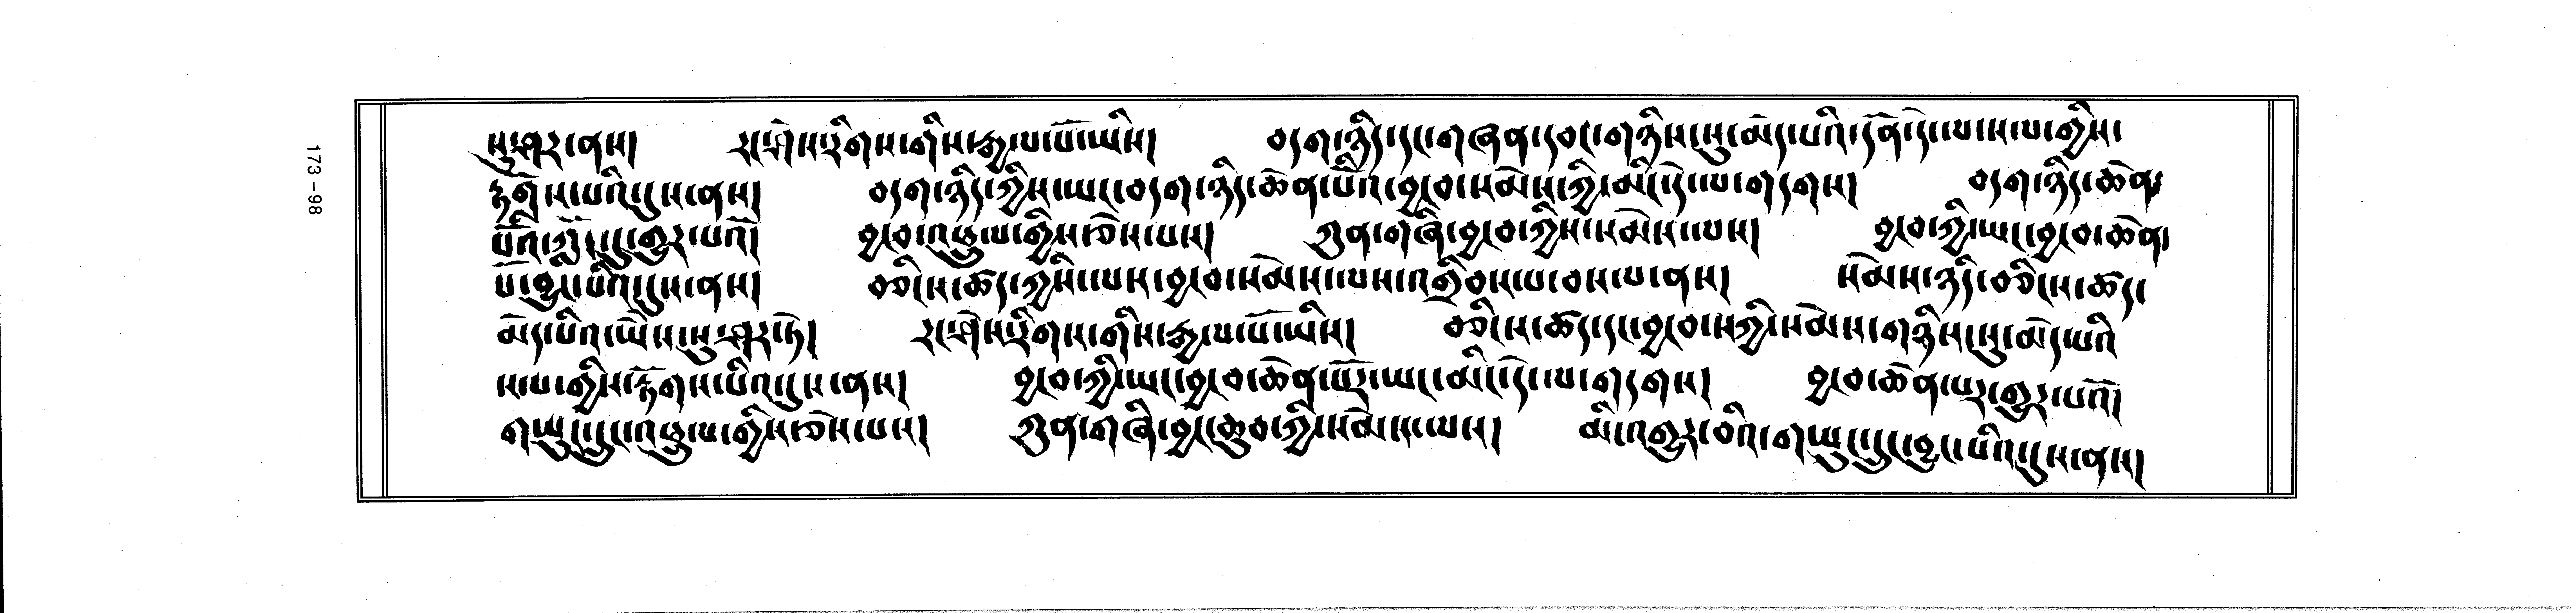སུ་ཤར་ནས། རང་ཤེས་རིག་གི་རྒྱལ་པོ་ཡིས། བདག་ཉིད་དང་གཞན་དབང་གཉིས་སུ་མེད་པར་སལ་གྱིས་
རྟོགས་པའི་དུས་ན། བདག་ཉིད་ཀྱིས་ཡང་བདག་ཉིད་ཆེན་པོའི་བྱང་ཆུབ་ཀྱི་སེམས་ཀྱི་མིང་དེ་ལ་གདགས། བདག་ཉིད་ཆེན་
པོའི་ཀློང་དུ་གྱུར་པའོ། །བྱང་ཆུབ་འཕྲུལ་གྱིས་ཅེས་པས། ཀུན་གཞི་བྱང་ཆུབ་ཀྱི་སེམས་ལས། བྱང་ཆུབ་ཀྱི་ཡང་བྱང་ཆུབ་ཆེན་
པོ་བྱུང་བའི་དུས་ན། བཅིངས་ཚད་ཀྱི་ལས་བྱང་ཆུབ་སེམས་ལས་འགྲིབ་པ་བསལ་ནས། སེམས་ཉིད་བཅིངས་ཚད་
མེད་པའི་ཡེ་ཤེས་སུ་ཤར་ཏེ། རང་ཤེས་རིག་རྒྱལ་པོ་ཡིས། བཅིངས་ཚད་དང་བྱང་ཆུབ་ཀྱི་སེམས་གཉིས་སུ་མེད་པའི་
སལ་གྱིས་རྟོགས་པའི་དུས་ན། བྱང་ཆུབ་ཀྱི་ཡང་བྱང་ཆུབ་ཆེན་པོར་ཡང་མིང་དེ་ལ་གདགས། བྱང་ཆུབ་ཆེན་པོར་གྱུར་པའོ། །
གཡུང་དྲུང་འཕྲུལ་གྱིས་ཅེས་པས། ཀུན་གཞི་བྱང་ཆུབ་ཀྱི་སེམས་ལས། མི་འགྱུར་བའི་གཡུང་དྲུང་བྱུང་བའི་དུས་ནས།